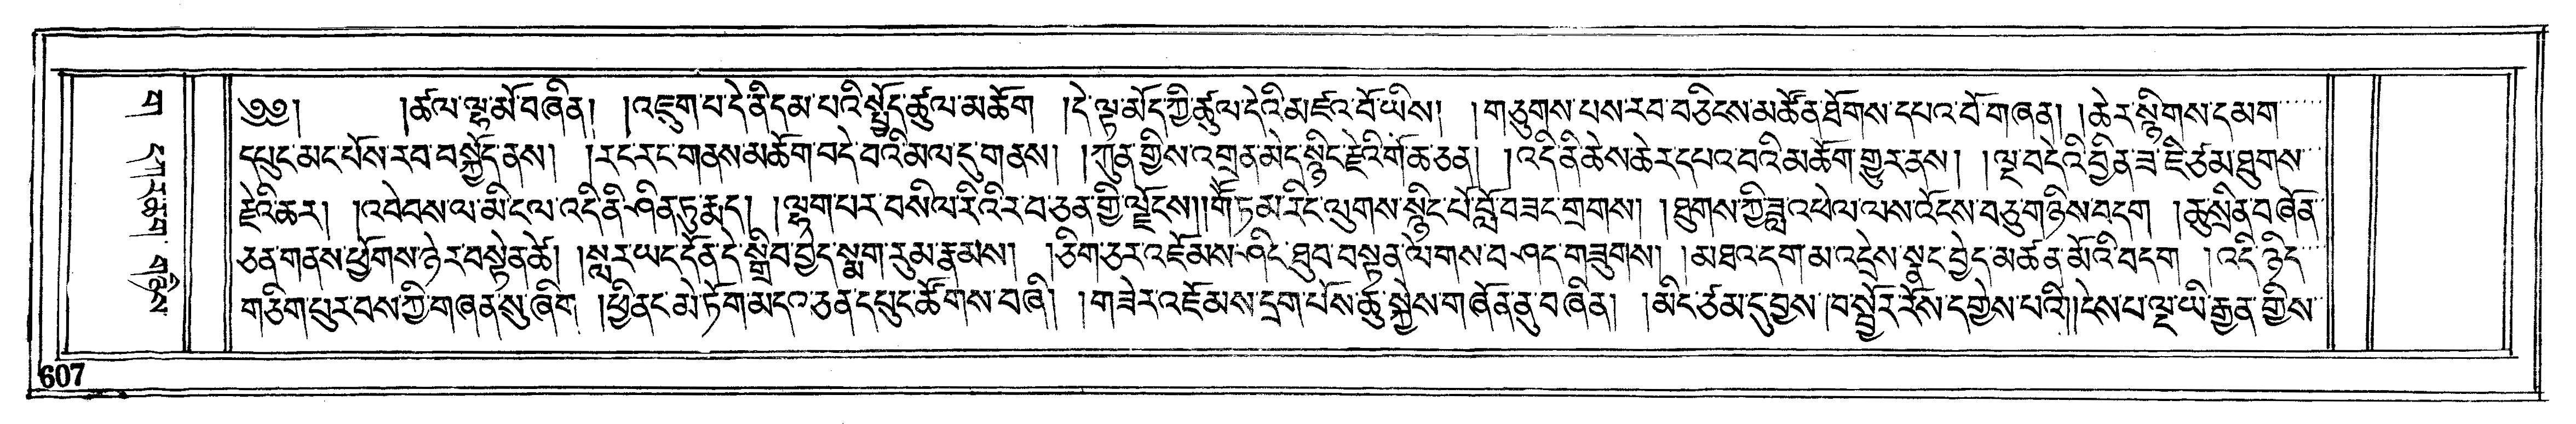༄༅། །ཚལ་ལྷ་མོ་བཞིན། །འཇུག་བ་དེ་ནི་དམ་པའི་སྤྱོད་ཚུལ་མཆོག །དེ་ལྟ་མོད་ཀྱི་ཚུལ་དེའི་མཛའ་བོ་ཡིས། །གཅུགས་པས་རབ་བཅིངས་མཚོན་ཐོགས་དཔའ་པོ་གཞན། །ཆེར་སྙིགས་དམག་
དཔུང་མང་པོས་རབ་བསྐྱོད་ནས། །རང་རང་གནས་མཆོག་བདེ་པའི་མལ་དུ་གནས། །ཀུན་གྱིས་འགྲན་མེད་སྙིང་རྗེའི་གོ་ཆ་ཅན། །འདི་ནི་ཆེས་ཆེར་དཔའ་བའི་མཆོག་གྱུར་ནས། །ལྔ་བ་དོའི་བྱིན་ཟ་ཇི་ཙམ་ཐུགས་
རྗེའི་ཆར། །འབེབས་ལ་མི་ངལ་འདི་ནི་ཤིན་ཏུ་རྨད། །ལྷག་པར་བསིལ་རིའི་ར་བ་ཅན་གྱི་ལྗོངས། །གཽ་ཏམ་རིང་ལུགས་སྙིང་པོ་བློ་བཟང་གྲགས། །ཐུགས་ཀྱི་ཟླ་འཕེལ་ལས་འོངས་བཅུ་གཉིས་བདག །ཆུ་སྲིན་བཞོན་
ཅན་གནས་ཕྱོགས་ཉེར་བསྟེན་ཚེ། །སླར་ཡང་དོན་དེ་སྒྲིབ་བྱེད་སྨག་རུམ་རྣམས། །ཅིག་ཅར་འཇོམས་ཤིང་ཐུབ་བསྟན་ལེགས་བཤད་གཟུགས། །མཐའ་དག་མ་འདྲེས་སྣང་བྱེར་མཚན་མོའི་བདག །འདི་ཉིད་
གཅིག་པུར་བས་ཀྱི་གཞན་སུ་ཞིག །ཕྱི་ནང་མེ་ཏོག་མདའ་ཅན་དཔུང་ཚོགས་བཞི། །གཟེར་འཇོམས་དྲག་པོས་ཆུ་སྐྱེས་གཞོན་ནུ་བཞིན། །མིང་ཙམ་དུ་བྱས་ཁ་སྦྱོར་རོས་དགྱེས་པའི། །ངེས་པ་ལྔ་ཡི་རྒྱན་གྱིས་